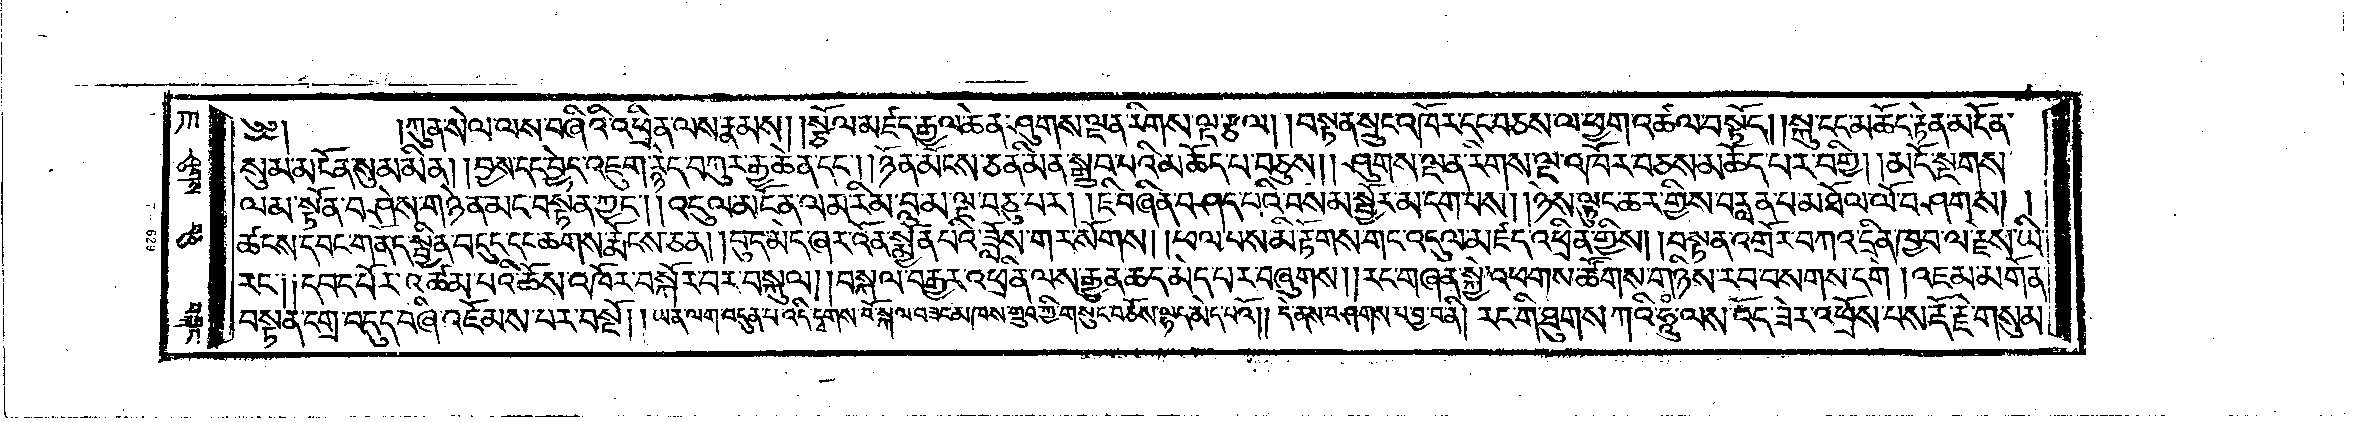༄༅། །ཀུན་སེལ་ལས་བཞིའི་འཕྲིན་ལས་རྣམས། །སྩོལ་མཛད་རྒྱལ་ཆེན་ཤུགས་ལྡན་རིགས་ལྔ་རྩལ། །བསྟན་སྲུང་འཁོར་དང་བཅས་ལ་ཕྱག་འཚལ་བསྟོད། །སྐུ་དང་མཆོད་རྟེན་མངོན་
སུམ་མངོན་སུམ་སུམ་མིན། །བྱས་དང་བྱེད་འཇུག་རྙེད་བཀུར་རྒྱ་ཆེན་དང་། །ཉོན་མོངས་ཅན་མིན་སྒྲུབ་པའི་མཆོད་པ་བཅུས། །ཤུགས་ལྡན་རིགས་ལྔ་འཁོར་བཅས་མཆོད་པར་བགྱི། །མདོ་སྔགས་
ལམ་སྟོན་བཤེས་གཉེན་མང་བསྟེན་ཀྱང་། །འདུལ་མངོན་ལམ་རིམ་བླ་མ་ལྔ་བཅུ་བར། །ཇི་བཞིན་བཤད་པའི་བསམ་སྦྱོར་མ་དག་པས། །ཉེས་ལྟུང་ཆར་གྱིས་བརླན་པ་མཐོལ་ལོ་བཤགས། །
ཚངས་དབང་གནོད་སྦྱིན་བདུད་དང་ཆགས་རྨོངས་ཅན། །བུད་མེད་ཞར་འོན་སྨྱོན་བའི་ཟློས་གར་སོགས། །ཕལ་བས་མི་རྟོགས་གང་འདུལ་མཛད་འཕྲིན་གྱིས། །བསྟན་འགྲོར་བཀའ་དྲིན་ཁྱབ་ལ་རྗེས་ཡི་
རང༑ ༑དབང་པོར་འཚམ་པའི་ཆོས་འཁོར་བསྐོར་བར་བསྐུལ། །བསྐལ་བརྒྱར་འཕྲིན་ལས་རྒྱུན་ཆད་མེད་པར་བཞུགས། །རང་གཞན་སྐྱེ་འཕགས་ཚོགས་གཉིས་རབ་བསགས་དགེ །འཇམ་མགོན་
བསྟན་དགྲ་བདུད་བཞི་འཇོམས་པར་བསྔོ། །ཡན་ལག་བདུན་པ་འདི་དྭགས་པོ་སྐལ་བཟང་མཁས་གྲུབ་གྱི་གསུང་བཅོས་སྟེང་མེད་པའོ། །དེ་ནས་བཤགས་བ་བྱ་བ་ནི།  རང་གི་ཐུགས་ཀའི་ཧཱུཾ་ལས་འོད་ཟེར་འཕྲོས་པས་རྡོ་རྗེ་གསུམ་